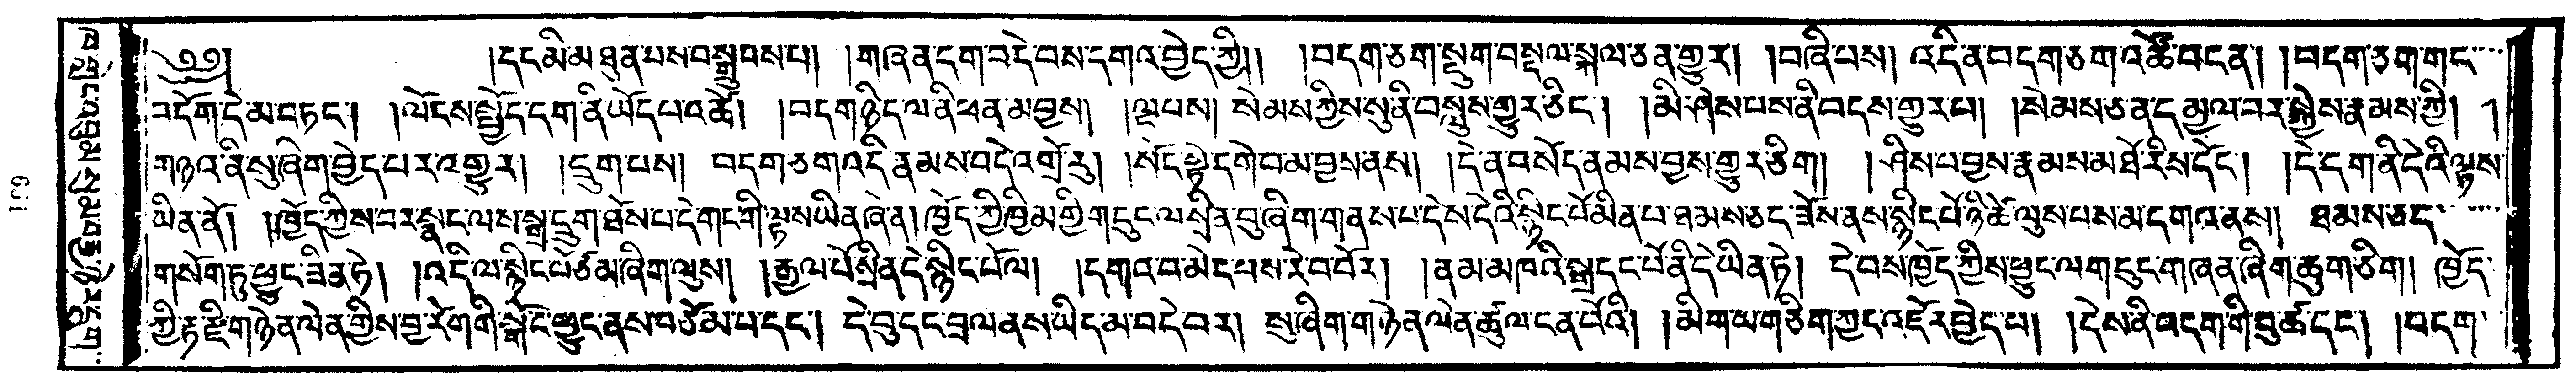༄༅། །དང་མི་མཐུན་པས་བསྒྲུབས་པ། །གཞན་དག་བདེ་བས་དགའ་བྱེད་ཀྱི།། །བདག་ཅག་སྡུག་བསྔལ་སྐལ་ཅན་གྱུར། །བཞི་པས། འདི་ན་བདག་ཅག་འཚོ་བྔན། །བདག་ཅག་གང་
བདོག་དེ་མ་བཏང་། །ལོངས་སྤྱོད་དག་ནི་ཡོད་པ་འཚེ། །བདག་ཉིད་ལ་ནི་ཕན་མ་བྱས། །ལྔ་པས། སེམས་ཀྱིས་སུ་ནི་བསླུས་གྱུར་ཅིང་། །མི་ཤེས་པས་ནི་བདས་གྱུར་པ། །སེམས་ཅན་དམྱལ་བར་སྐྱེས་རྣམས་ཀྱི། །
གཉའ་ནི་སུ་ཞིག་བྱེད་པར་འགྱུར། །དྲུག་པས། བདག་ཅག་འདི་རྣམས་བདེ་འགྲོ་རུ། །སོང་སྟེ་དགེ་བ་མ་བྱས་ནས། །དེ་ན་བསོད་ནམས་བྱས་གྱུར་ཅིག། །ཤིས་པ་བྱས་རྣམས་མཐོ་རིས་དོང་། །དེ་དག་ནི་དེའི་ལྟས་
ཡིན་ནོ། །ཁྱོད་ཀྱིས་བར་སྣང་ལས་སྒྲ་དྲུག་ཐོས་པ་དེ་གང་གི་ལྟས་ཡིན་ཞེ་ན། ཁྱོད་ཀྱི་ཁྱིམ་གྱི་གདུང་ལ་སྲིན་བུ་ཞིག་གནས་པ་དེས་དེའི་སྙིང་པོ་མིན་པ་ཐམས་ཅད་ཟོས་ནས་སྙིང་པོ་ཉི་ཚེ་ལུས་པས་མ་དགའ་ནས། ཐམས་ཅད་
གསོག་ཏུ་ཕྱུང་ཟིན་ཏེ། །འདི་ལ་སྙིང་པོ་ཙམ་ཞིག་ལུས། །རྒྱལ་པོ་སྲིན་དེ་སྙིང་པོ་ལ། །དགའ་བ་མེད་པས་རེ་བ་བོར། །ནམ་མཁའི་སྒྲ་དང་པོ་ནི་དེ་ཡིན་ཏེ། དེ་བས་ཁྱོད་ཀྱིས་ཕྱུང་ལག་དུང་གཞན་ཞིག་ཆུག་ཅིག། ཁྱོད་
ཀྱི་རྟ་རྫི་གཉེན་ལེན་གྱིས་བྱ་རོག་གིས་གོང་ཕྱུང་ནས་བཅོམ་པ་དང་། དེ་བུ་དང་བྲལ་ནས་ཡིད་མ་བདེ་བར། སུ་ཞིག་གཉེན་ལེན་ཚུལ་ངན་པོའི། །མིག་ཡ་གཅིག་ཀྱང་འཇོར་བྱེད་པ། །དེས་ནི་བདག་གི་བུ་ཚ་དང་། །བདག་